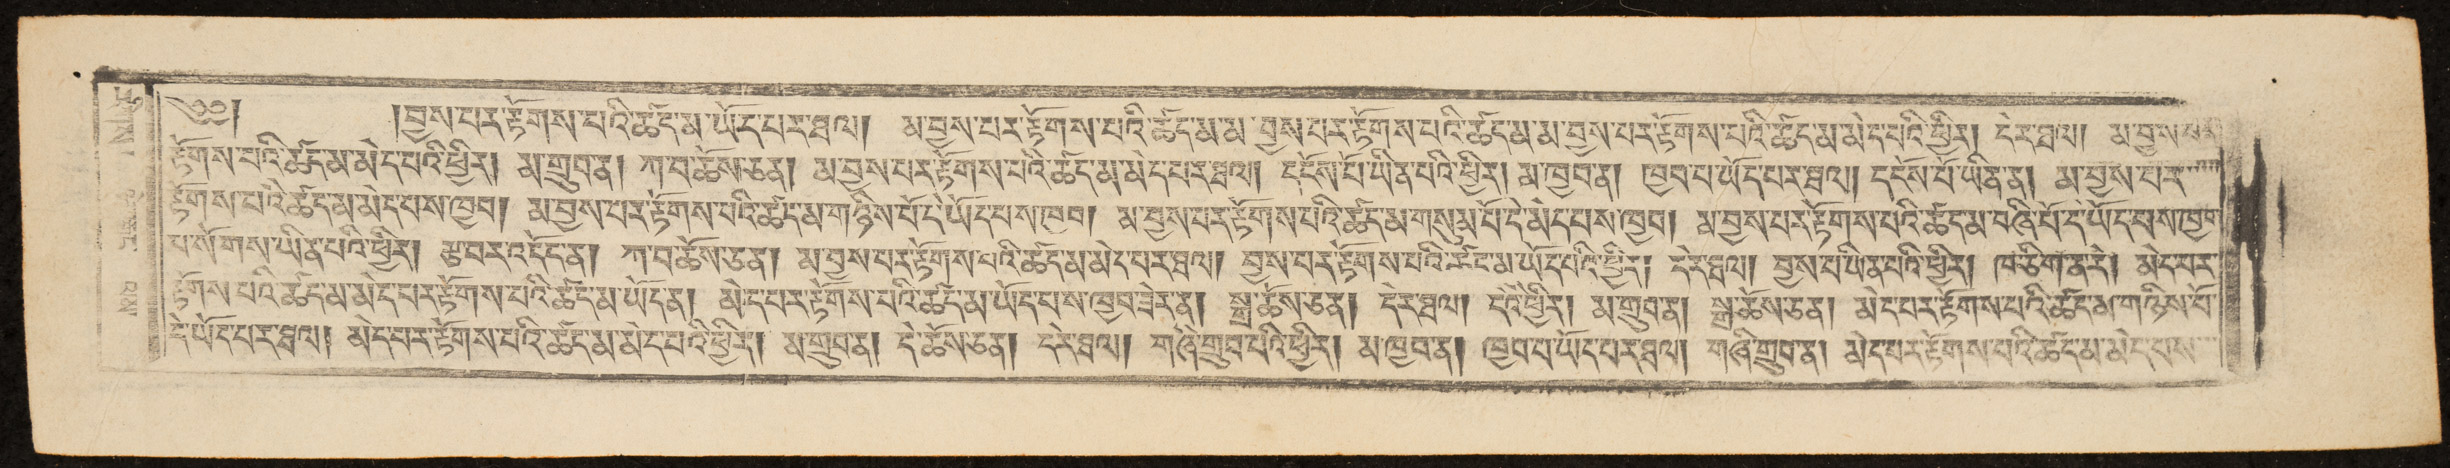༄༅། །བྱས་པར་རྟོགས་པའི་ཚད་མ་ཡོད་པར་ཐལ། བྱས་པར་རྟོགས་པའི་ཚད་མ་མ་བྱས་པར་རྟོགས་པའི་ཚད་མ་མ་བྱས་པར་
རྟོགས་པའི་ཚད་མ་མེད་པའི་ཕྱིར། མ་གྲུབ་ན། ཀ་བ་ཆོས་ཅན། མ་བྱས་པར་རྟོགས་པའི་ཚད་མ་མེད་པར་ཐལ། དངོས་པོ་ཡིན་པའི་ཕྱིར། མ་ཁྱབ་ན། ཁྱབ་པ་ཡོད་པར་ཐལ། དངོས་པོ་ཡིན་ན། མ་བྱས་པར་
རྟོགས་པའི་ཚད་མ་མེད་པས་ཁྱབ། མ་བྱས་པར་རྟོགས་པའི་ཚད་མ་གཉིས་པོ་དེ་ཡོད་པས་ཁྱབ། མ་བྱས་པར་རྟོགས་པའི་ཚད་མ་གསུམ་པོ་དེ་མེད་པས་ཁྱབ། མ་བྱས་པར་རྟོགས་པའི་ཚད་མ་བཞི་པོ་དེ་ཡོད་པས་ཁྱབ་
པ་སོགས་ཡིན་པའི་ཕྱིར། རྩ་བར་འདོད་ན། ཀ་བ་ཆོས་ཅན། མ་བྱས་པར་རྟོགས་པའི་ཚད་མ་མེད་པར་ཐལ། བྱས་པར་རྟོགས་པའི་ཚད་མ་ཡོད་པའི་ཕྱིར། དེར་ཐལ། བྱས་པ་ཡིན་པའི་ཕྱིར། ཁ་ཅིག་ན་རེ། མེད་པར་
རྟོགས་པའི་ཚད་མ་མེད་པར་རྟོགས་པའི་ཚད་མ་ཡོད་ན། མེད་པར་རྟོགས་པའི་ཚད་མ་ཡོད་པས་ཁྱབ་ཟེར་ན། སྒྲ་ཆོས་ཅན། དེར་ཐལ། དེའི་ཕྱིར། མ་གྲུབ་ན། སྒྲ་ཆོས་ཅན། མེད་པར་རྟོགས་པའི་ཚད་མ་གཉིས་པོ་
དེ་ཡོད་པར་ཐལ། མེད་པར་རྟོགས་པའི་ཚད་མ་མེད་པའི་ཕྱིར། མ་གྲུབ་ན། དེ་ཆོས་ཅན། དེར་ཐལ། གཞི་གྲུབ་པའི་ཕྱིར། མ་ཁྱབ་ན། ཁྱབ་པ་ཡོད་པར་ཐལ། གཞི་གྲུབ་ན། མེད་པར་རྟོགས་པའི་ཚད་མ་མེད་པས་